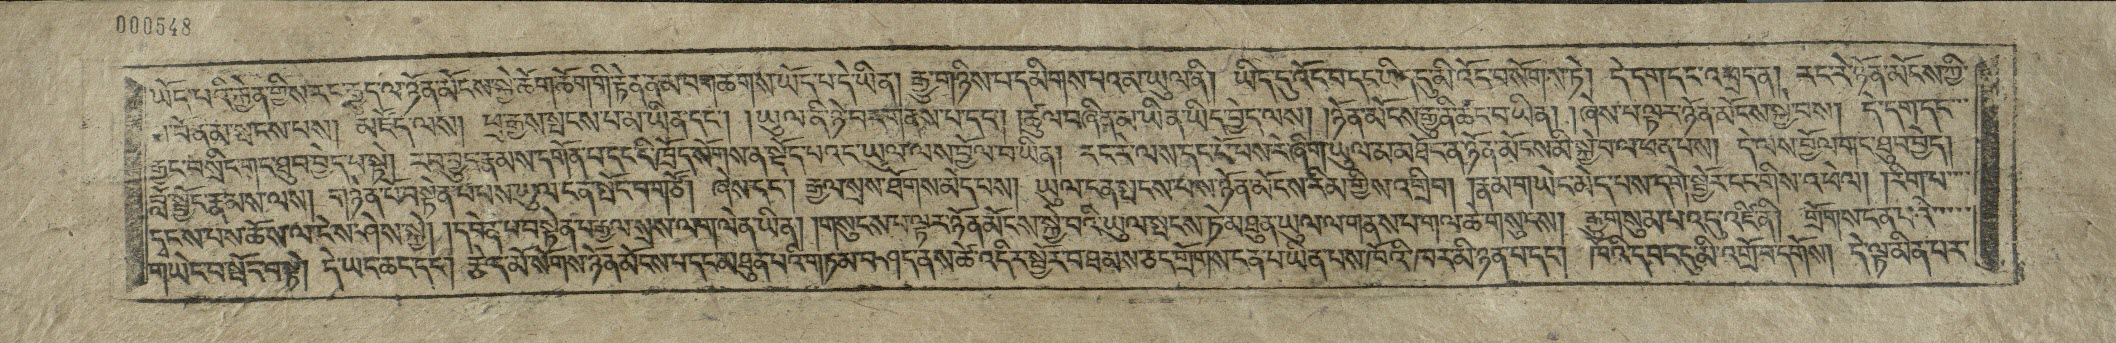ཡོད་པའི་རྐྱེན་གྱིས་རང་རྒྱུད་ལ་ཉོན་མོངས་སྐྱེ་ཆོག་ཆོག་གི་རྟེན་ནམ་བག་ཆགས་ཡོད་པ་དེ་ཡིན། རྒྱུ་གཉིས་པ་དམིགས་པའམ་ཡུལ་ནི། ཡིད་དུ་འོང་བ་དང་ཡིད་དུ་མི་འོང་བ་སོགས་ཏེ། དེ་དག་དང་འཕྲད་ན། རང་རེ་ཉོན་མོངས་ཀྱི་
ས་བོན་མ་སྤངས་པས། མཛོད་ལས། ཕྲ་རྒྱས་སྤངས་པ་མ་ཡིན་དང་། །ཡུལ་ནི་ཉེ་བར་གནས་པ་དང་། །ཚུལ་བཞིན་མ་ཡིན་ཡིད་བྱེད་ལས། །ཉོན་མོངས་རྒྱུ་ནི་ཚང་བ་ཡིན། །ཞེས་པ་ལྟར་ཉོན་མོངས་སྐྱེ་བས། དེ་དག་དང་
རྒྱང་བསྲིང་གང་ཐུབ་བྱེད་པ་སྟེ། རབ་བྱུང་རྣམས་དགོན་པ་དང་རི་ཁྲོད་སོགས་ན་སྡོད་པའང་ཡུལ་ལས་བྱོལ་བ་ཡིན། རང་རེ་ལས་དང་པོ་པས་རེ་ཞིག་ཡུལ་མ་མཐོང་ན་ཉོན་མོངས་མི་སྐྱེ་བ་ལ་ཕན་པས། དེ་ལས་བྱོལ་གང་ཐུབ་བྱེད།
བློ་སྦྱོང་རྣམས་ལས། གཉེན་པོ་བསྟེན་པ་པས་ཡུལ་ངན་སྤོང་བ་གཙོ། ཞེས་དང་། རྒྱལ་སྲས་ཐོགས་མེད་པས། ཡུལ་ངན་སྤངས་པས་ཉོན་མོངས་རིམ་གྱིས་འགྲིབ། །རྣམ་གཡེང་མེད་པས་དགེ་སྦྱོར་ངང་གིས་འཕེལ། །རིག་པ་
དྭངས་པས་ཆོས་ལ་ངེས་ཤེས་སྐྱེ། །དབེན་པ་བསྟེན་པ་རྒྱལ་སྲས་ལག་ལེན་ཡིན། །གསུངས་པ་ལྟར་ཉོན་མོངས་སྐྱེ་བའི་ཡུལ་སྤངས་ཏེ་མཐུན་ཡུལ་ལ་གནས་པ་གལ་ཆེ་གསུངས། རྒྱུ་གསུམ་པ་འདུ་འཛི་ནི། གྲོགས་ངན་པའི་
གཡེང་བ་སྤོང་བ་སྟེ། དེ་ཡང་ཆང་དང་། རྩེད་མོ་སོགས་ཉོན་མོངས་པ་དང་མཐུན་པའི་གཏམ་བཤད་ནས་ཚེ་འདིར་སྦྱོར་བ་ཐམས་ཅད་གྲོགས་ངན་པ་ཡིན་པས་ཁོའི་ཁར་མི་ཉན་པ་དང་། ཁོའི་དབང་དུ་མི་འགྲོ་བ་དགོས། དེ་ལྟ་མིན་པར་